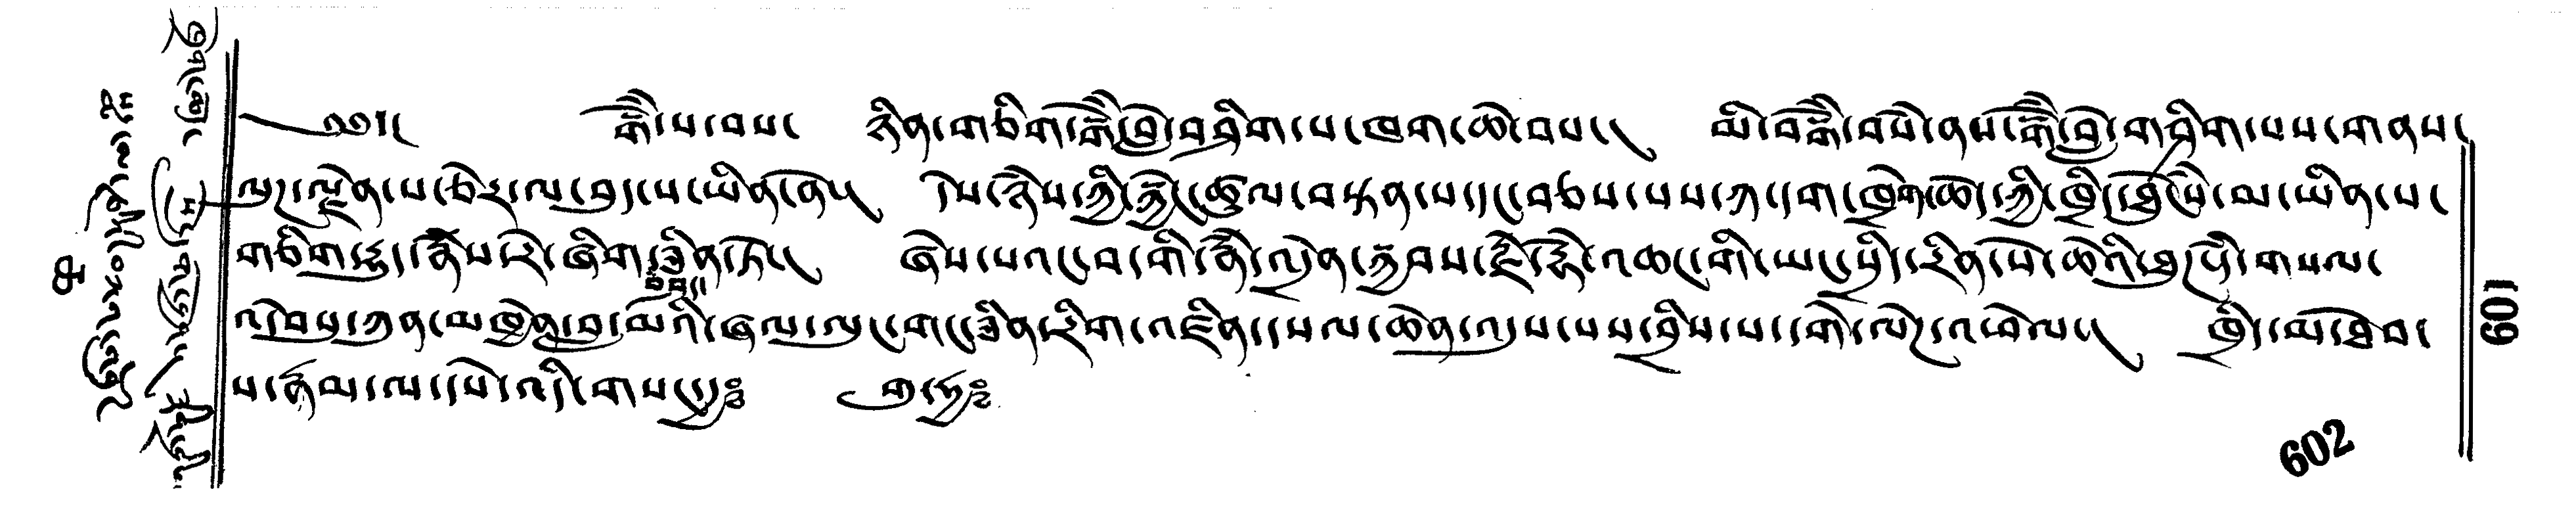བསྒོམས་པ་བས།ཉིན་གཅིག་སྒོམ་བློ་བཤིག་པ་ཁག་ཆེ་བས། མི་བསྒོམ་བསམ་ནས་སྒོམ་བློ་གཤིག་པས་གནས་
ལུགས་རྗེན་པ་ཅེར་ལ་བུད་པ་ཡིན་ནོ། དེས་ཉམས་ཀྱི་སྐྱོང་ཚུལ་བསྟན་པ་དང་བཅས་པས་ཀ་དག་ཁྲེགས་ཆོད་ཀྱི་ཁྲིད་ཐུན་མོང་མ་ཡིན་པ་
གཅིག་རྒྱུད་རྣམས་རེ་ཞིག་བཤད་ཟིན་ཏོ། ཞེས་པའང་བདག་གི་རྣམ་འདྲེན་སྐྱབས་རྗེ་རྡོ་རྗེ་འཆང་གི་ཡང་སྲིད་རིན་པོ་ཆེའི་ཐུགས་དམ་གསལ་
འདེབས་སུ་ཀུན་མཁྱེན་བླ་མའི་ཞལ་ལུང་གང་ཟིན་རིག་འཛིན་དཔལ་ཆེན་འདུས་པས་བྲིས་པ་དགེ་ལེགས་འཕེལ། ཁྲིད་མ་ཐོབ་
པ་རྣམས་ལ་དཔེ་འདི་གསང་རྒྱ། གུ་ཧྱ། དགེའོ།།